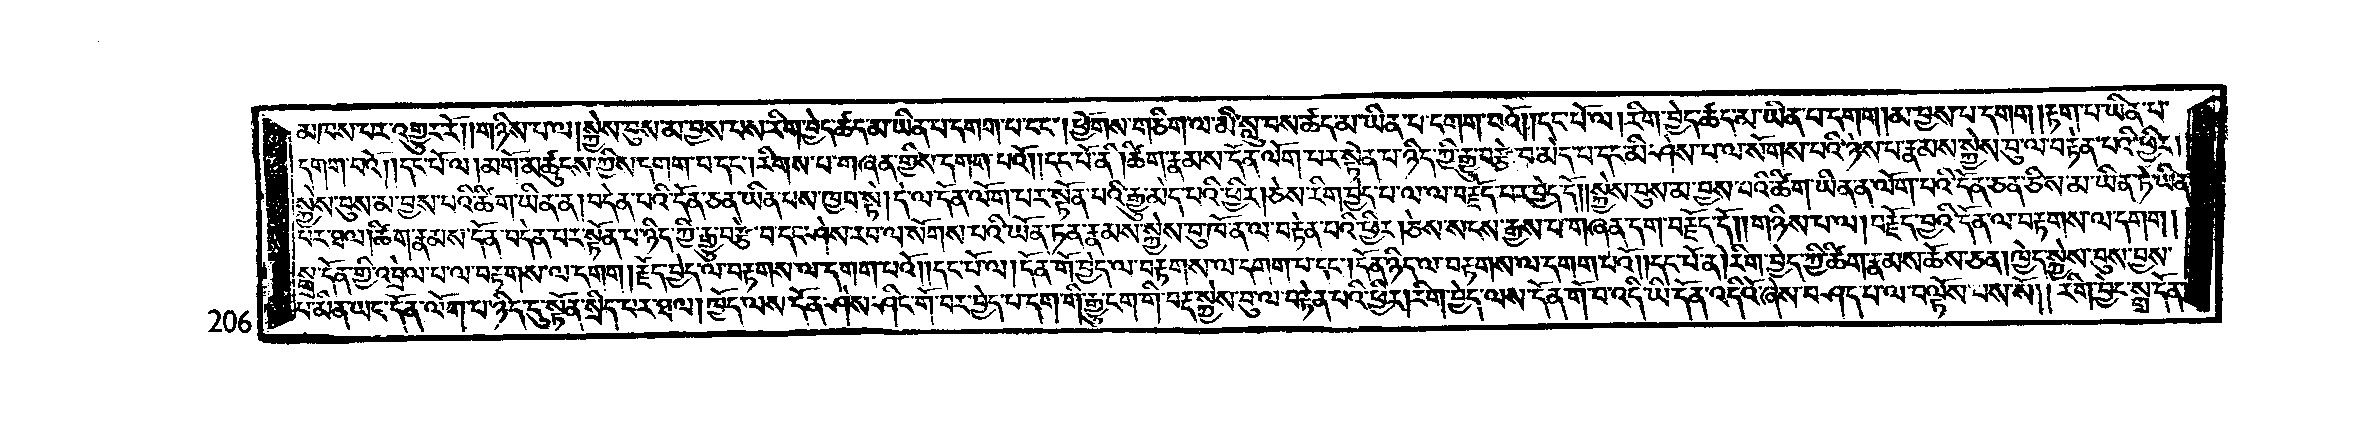མཁས་པར་འགྱུར་རོ། །གཉིས་པ་ལ། སྐྱེས་བུས་མ་བྱས་པས་རིག་བྱེད་ཚད་མ་ཡིན་པ་དགག་པ་དང་། ཕྱོགས་གཅིག་ལ་མི་སླུ་བས་ཚད་མ་ཡིན་པ་དགག་པའོ། །དང་པོ་ལ། རིག་བྱེད་ཚད་མ་ཡིན་པ་དགག །མ་བྱས་པ་དགག །རྟག་པ་ཡིན་པ་
དགག་པའོ། །དང་པོ་ལ། མགོ་མཚུངས་ཀྱིས་དགག་པ་དང་། རིགས་པ་གཞན་གྱིས་དགག་པའོ། །དང་པོ་ནི། ཚིག་རྣམས་དོན་ལོག་པར་སྟེན་པ་ཉིད་ཀྱི་རྒྱུ་བརྩེ་བ་མེད་པ་དང་མི་ཤེས་པ་ལ་སོགས་པའི་ཉེས་པ་རྣམས་སྐྱེས་བུ་ལ་བརྟེན་པའི་ཕྱིར།
སྐྱེས་བུས་མ་བྱས་པའི་ཚིག་ཡིན་ན། བདེན་པའི་དོན་ཅན་ཡིན་པས་ཁྱབ་སྟེ། དེ་ལ་དོན་ལོག་པར་སྟོན་པའི་རྒྱུ་མེད་པའི་ཕྱིར། ཅེས་རིག་བྱེད་པ་ལ་ལ་བརྗོད་པར་བྱེད་དོ། །སྐྱེས་བུས་མ་བྱས་པའི་ཚིག་ཡིན་ན་ལོག་པའི་དོན་ཅན་ཅིས་མ་ཡིན་ཏེ་ཡིན་
པར་ཐལ། ཚིག་རྣམས་དོན་བདེན་པར་སྟོན་པ་ཉིད་ཀྱི་རྒྱུ་བརྩེ་བ་དང་ཤེས་རབ་ལ་སོགས་པའི་ཡོན་ཏན་རྣམས་སྐྱེས་བུ་ཁོ་ན་ལ་བརྟེན་པའི་ཕྱིར། ཅེས་སངས་རྒྱས་པ་གཞན་དག་བརྗོད་དོ། །གཉིས་པ་ལ། བརྗོད་བྱའི་དོན་ལ་བརྟགས་ལ་དགག།
སྒྲ་དོན་གྱི་འབྲེལ་པ་ལ་བརྟགས་ལ་དགག །རྗོད་བྱེད་ལ་བརྟགས་ལ་དགག་པའོ། །དང་པོ་ལ། དོན་གོ་བྱེད་ལ་བརྟགས་ལ་དགག་པ་དང་། དོན་ཉིད་ལ་བརྟགས་ལ་དགག་པའོ། །དང་པོ་ནི། རིག་བྱེད་ཀྱི་ཚིག་རྣམས་ཆོས་ཅན། ཁྱེད་སྐྱེས་བུས་བྱས་
པ་མིན་ཡང་དོན་ལོག་པ་ཉིད་དུ་སྟོན་སྲིད་པར་ཐལ། ཁྱོད་ལས་དོན་ཤེས་ཤིང་གོ་བར་བྱེད་པ་དག་གི་རྒྱུ་ངག་གི་བརྡ་སྐྱེས་བུ་ལ་བརྟེན་པའི་ཕྱིར། རིག་བྱེད་ལས་དོན་གོ་བ་འདི་ཡི་དོན་འདིའོ་ཞེས་བཤད་པ་ལ་བལྟོས་པས་སོ། །རིག་བྱེད་སྒྲ་དོན་